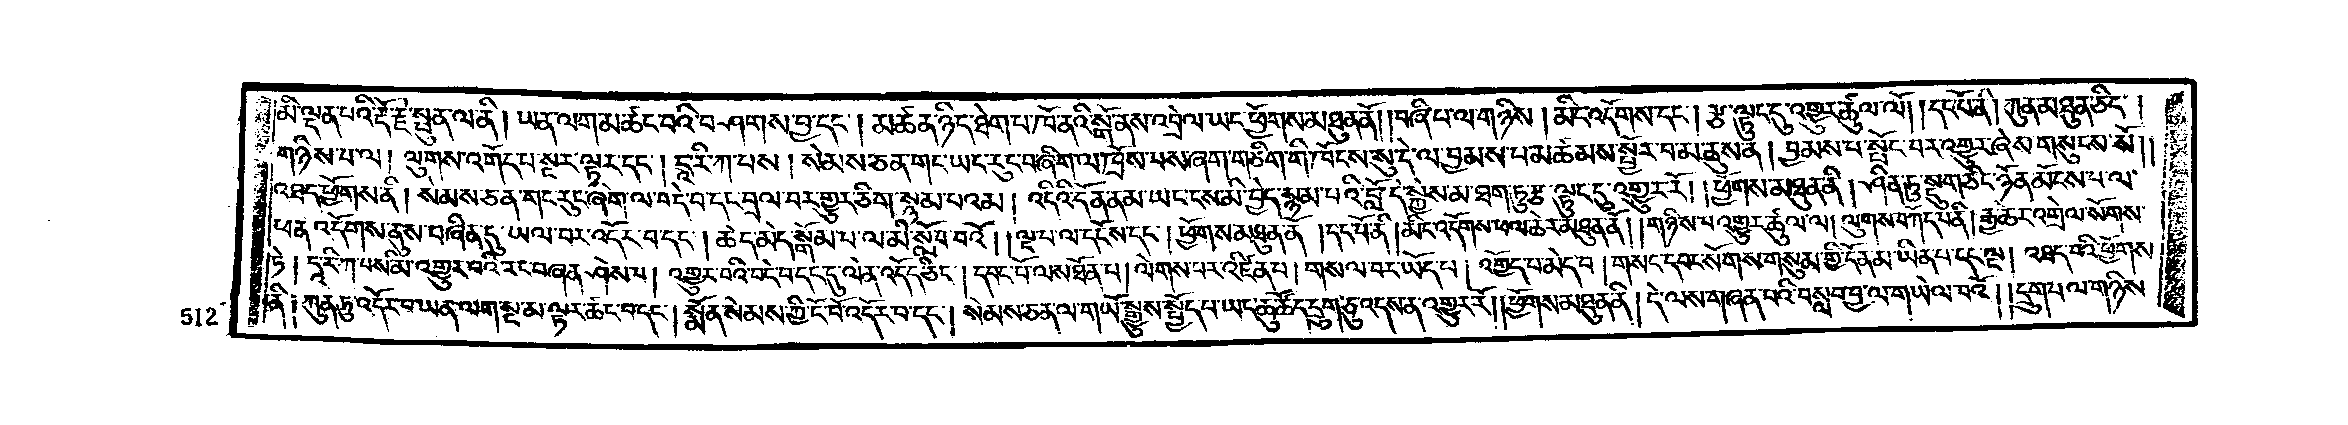མི་ལྡན་པའི་རྡོ་རྗེ་སྤུན་ལ་ནི། ཡན་ལག་མ་ཚང་བའི་བཤགས་བྱ་དང་། མཚན་ཉིད་ཐེག་པ་ཁོ་ནའི་སྒོ་ནས་འབྲེལ་ཡང་ཕྱོགས་མཐུན་ནོ། །བཞི་པ་ལ་གཉིས། མིང་འདོགས་དང་། རྩ་ལྟུང་དུ་འགྱུར་ཚུལ་ལོ། །དང་པོ་ནི། ཀུན་མཐུན་ཅིང་།
གཉིས་པ་ལ། ལུགས་འགོད་པ་སྔར་ལྟར་དང་། དཱ་རི་ཀ་པས། སེམས་ཅན་གང་ཡང་རུང་བ་ཞིག་ལ་ཁྲོས་པས་ཞག་གཅིག་གི་ཁོངས་སུ་དེ་ལ་བྱམས་པ་མཚམས་སྦྱོར་བ་མ་ནུས་ན། བྱམས་པ་སྤོང་བར་འགྱུར་ཞེས་གསུངས་སོ། །
འཐད་ཕྱོགས་ནི། སེམས་ཅན་གང་རུང་ཞིག་ལ་བདེ་བ་དང་བྲལ་བར་གྱུར་ཅིག་སྙམ་པའམ། འདིའི་དོན་ནམ་ཡང་ངས་མི་བྱེད་སྙམ་པའི་བློ་དེ་སྐྱེས་མ་ཐག་ཏུ་རྩ་ལྟུང་དུ་འགྱུར་རོ། །ཕྱོགས་མཐུན་ནི། ཤིན་ཏུ་སྡུག་ཅིང་ཉོན་མོངས་པ་ལ་
ཕན་འདོགས་ནུས་བཞིན་དུ་ཡལ་བར་འདོར་བ་དང་། ཚད་མེད་སྒོམ་པ་ལ་མི་སློབ་པའོ། །ལྟ་བ་ལ་དངོས་དང་། ཕྱོགས་མཐུན་ནོ། དང་པོ་ནི། མིང་འདོགས་ཕལ་ཆེར་མཐུན་ནོ། །གཉིས་པ་འགྱུར་ཚུལ་ལ། ལུགས་བཀོད་པ་ནི། རྒྱ་ཆེར་འགྲེལ་སོགས་
ཏེ། དཱ་རི་ཀ་པས་མི་འགྱུར་བའི་རང་བཞིན་ཤེས་པ། འགྱུར་བའི་བདེ་བ་དང་དུ་ལེན་འདོད་ཅིང་། དབང་པོ་ལས་ཐོན་པ། ལེགས་པར་འཛིན་པ། གསལ་བར་ཡོད་པ། འགྱོད་པ་མེད་པ། གསང་དབང་སོགས་གསུམ་གྱི་དོན་མ་ཡིན་པ་དང་ལྔ། འཐད་པའི་ཕྱོགས་
ནི། ཀུན་ཏུ་འདོར་བ་ཡན་ལག་སྔ་མ་ལྟར་ཚང་བ་དང་། སྨོན་སེམས་ཀྱི་ངོ་བོ་འདོར་བ་དང་། སེམས་ཅན་ལ་གཡོ་སྒྱུས་སྤྱོད་པ་ཡང་ཆུ་ཚོད་དྲུག་ཅུ་འདས་ན་འགྱུར་རོ། །ཕྱོགས་མཐུན་ནི། དེ་ལས་གཞན་པའི་བསླབ་བྱ་ལ་གཡེལ་བའོ། །དྲུག་པ་ལ་གཉིས་